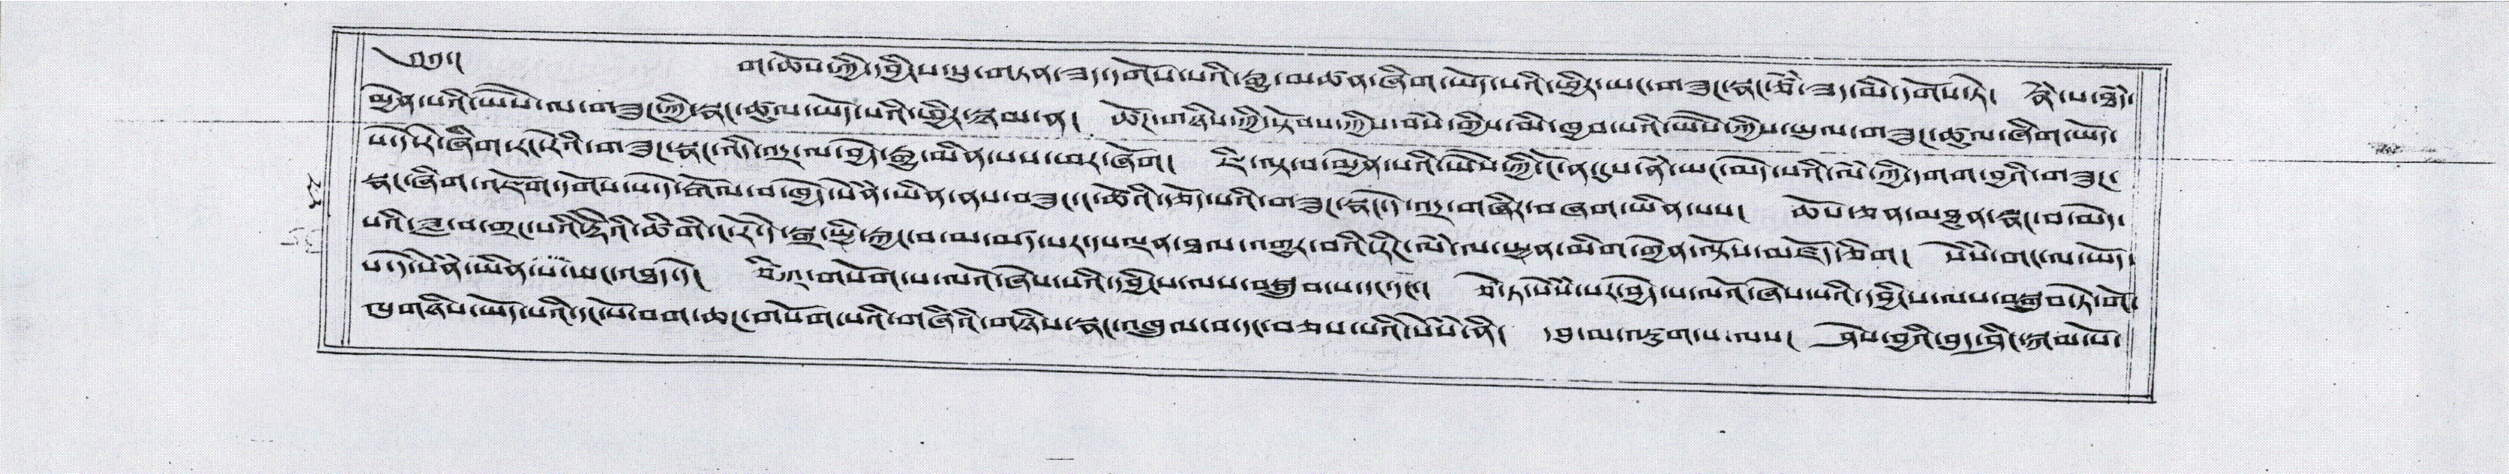ག་ཆོས་ཀྱི་དབྱིངས་སུ་གཏན་ཟད་དགོས་པའི་རྒྱུ་མཚན་ཞིག་ཡོད་པའི་ཕྱིར་ཡང་གཟུགས་སྣང་ཙམ་ཟད་མི་དགོས་ཏེ། རྣམ་པ་ཐམས་ཅད་
མཁྱེན་པའི་ཡེ་ཤེས་ལ་གཟུགས་ཀྱི་སྣང་ཚུལ་ཡོད་པའི་ཕྱིར་སྙམ་ན། ཚོགས་གཉིས་ཀྱི་སྟོབས་ཀྱིས་བསམ་གྱིས་མི་ཁྱབ་པའི་ཡེ་ཤེས་ཀྱིས་ཡུལ་གཟུགས་ཚུལ་ཞིག་ཡོད་
པ་དེ་རེ་ཞིག་རང་རེའི་གཟུགས་སྣང་འདི་འདྲ་ལ་བྱེད་རྒྱུ་མིན་པས་ཕར་ཞོག ཇི་ལྟ་བ་མཁྱེན་པའི་ཡེ་ཤེས་ཀྱི་ངོ་ན་དུས་ནམ་ཡང་མེད་པའི་ལམ་གྱི་དགག་བྱའི་གཟུགས་
སྣང་ཞིག་འཇོག་དགོས་པ་དེ་རྒོལ་བ་ཁྱེད་སེམས་ཅན་ཡིན་ནས་བཟུང་ང་ཚོའི་རྩོད་པའི་གཟུགས་སྣང་དེ་འདྲ་གཞིར་བཞག་ཡིན་པས། ཆོས་ཅན་མཐུན་སྣང་བ་མེད་
པའི་ཟླ་བ་གྲགས་པའི་རྡོ་རྗེའི་ཚིག་གི་ང་རོ་དེ་སྒྲ་ཡི་རྐྱང་བ་མ་མཛད་པར་དཔལ་ལྡན་ཐལ་འགྱུར་བའི་རིགས་ལམ་ལ་སྤྱན་མིག་གྱེན་ལྟོས་མཛོད་ཅིག སེམས་གང་ལ་ཡོད་
པ་དེ་སེམས་ཅན་ཡིན་པ་ཡང་འཐད་དོ། ཙིཀཱ་གསོག་པ་ལའོ་ཞེས་པའི་དབྱིངས་ལས་བསྒྲུབ་པ་དང། ཙོ་ཏ་སེམས་པར་བྱེད་པ་ལའོ་ཞེས་པའི་དབྱིངས་ལས་བསྒྲུབ་ཏེ་གོ་
ཁུག་གཉིས་ཡོད་པའི་དང་པོ་བག་ཆགས་གསོག་པའི་གཞིའི་གཉིས་སྣང་འཁྲུལ་བ་དང་བཅས་པའི་སེམས་ནི། དབུ་མ་འཇུག་པ་ལས། ཤེས་བྱའི་བུད་ཤིང་སྐམ་པོ་